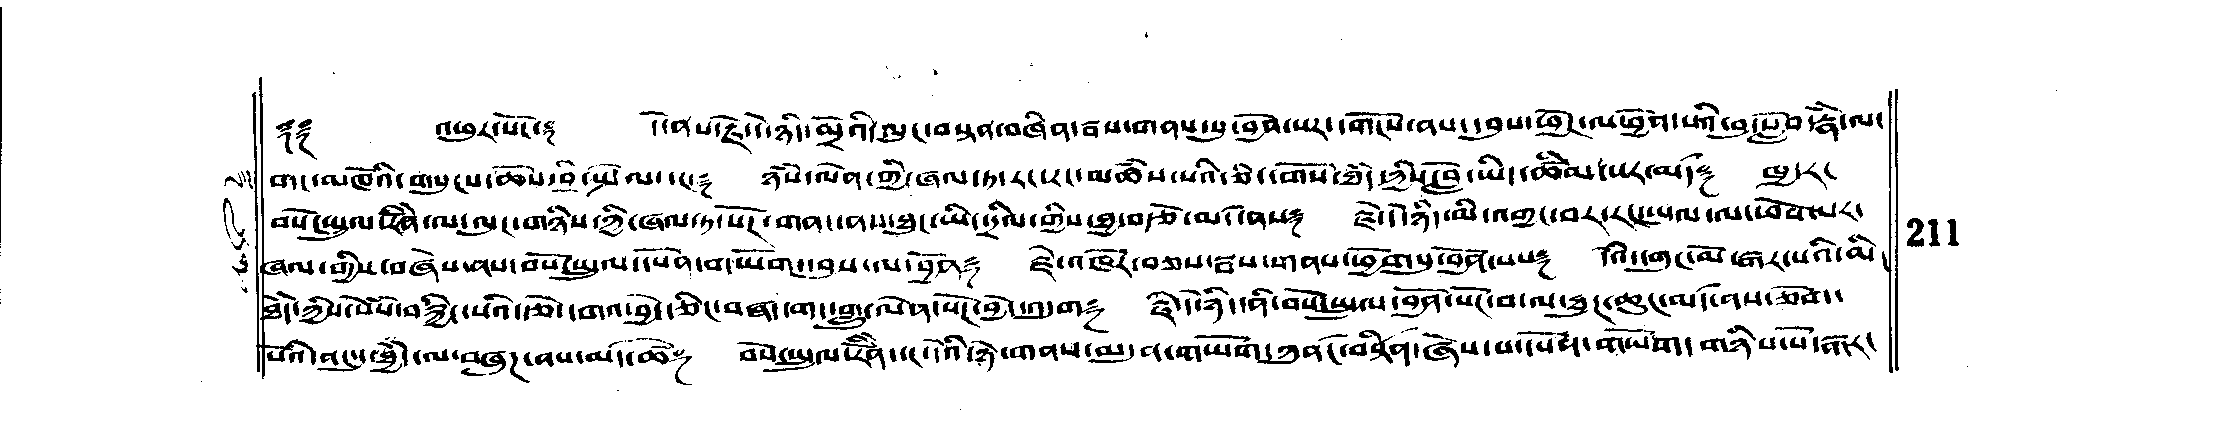འཕུར་སོང་། དེ་ནས་རྗེ་དེ་ཉིད་མཁའ་འགྲོའི་ལུང་བསྟན་བཞིན་སྦས་གནས་སུ་བྱོན་པར་དགོངས་ནས་དབུས་ཕྱོགས་ལ་བྱོན་པའི་བུ་སློབ་རྣམས་ལ་
གང་མཁོའི་གསུང་ཆོས་བྲི་སྤེལ་དང་། ཉམས་ལེན་གྱི་ཞལ་ཏ་རང་རང་འཚམས་པའི་ཅི་དགོས་ཐམས་ཅད་ཀྱིས་བློ་ཡིད་ཚིམ་པར་མཛད། ཁྱད་པར་
བསོ་སྤྲུལ་རིན་པོ་ཆེ་ལ་ལུགས་གཉིས་ཀྱི་ཞལ་ཏ་སོགས་གནང་ནས་ཐུགས་ཡིད་དྲིལ་གྱིས་ཐུགས་བརྩེ་མཛད་ནས། རྗེ་དེ་ཉིད་མི་འགྱང་བར་རང་ཡུལ་ལ་ཕེབས་པར་
ཞལ་གྱིས་བཞེས་ནས་བསོ་སྤྲུལ་དཔོན་གཡོག་དབུས་ལ་བྱོན། རྗེ་འཁོར་བཅས་སྦས་གནས་ཕྱོགས་སུ་བྱོན་པས། དེའི་དགུང་མོ་སྒར་པའི་མི་
ཐམས་ཅད་ཀྱིས་སེམས་སྐྱིད་པའི་རྩེ་དགའ་བྱེད་ཅིང་བཞད་གད་གླུ་ལེན་སོགས་བྱེད་འདུག རྗེ་དེ་ཉིད་ནི་བསོ་སྤྲུལ་བྱོན་སོང་བ་ལ་ཐུགས་ཆུང་མཛད་ནས་ཅོག་
པོའི་ནང་དུ་ཐུགས་དམ་ལ་བཞུགས་ནས་མཛད་ཚེ། བསོ་སྤྲུལ་རིན་པོ་ཆེ་དང་དེའི་ཉེ་གནས་མདུན་གཡོག་ཀུན་བཟང་བསྟན་འཛིན་ཞེས་པ་དཔོན་གཡོག་གཉིས་པོ་སྒར་